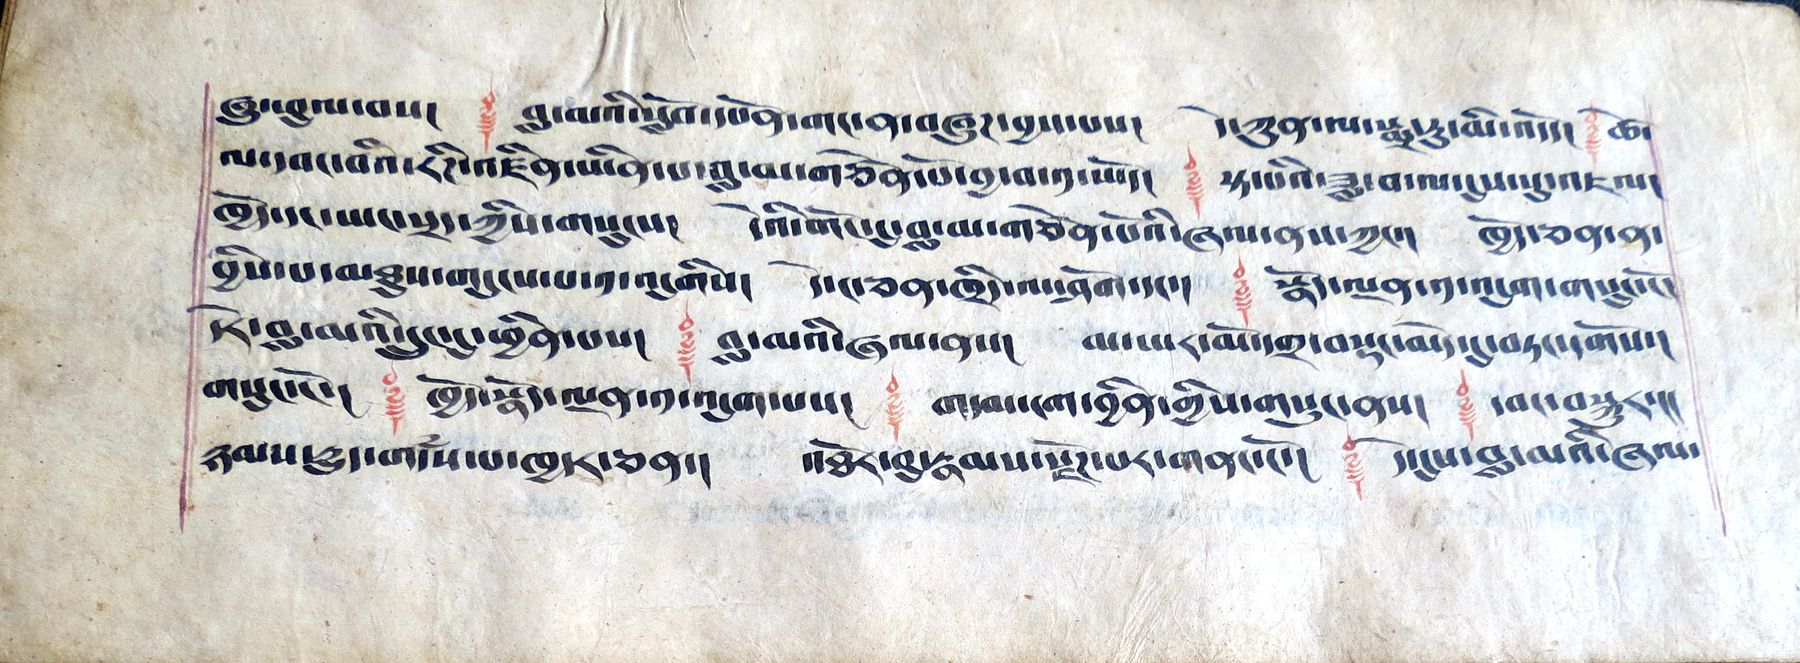ཞུ་ཕུལ་བས། བླ་མའི་སློབ་དཔོན་གང་ན་བཞུགས་བྱས་པས། དེ་ཀུན་ལ་སྨྲ་རུ་མི་འདོད། ཚེ་
ལ་དབང་བའི་རིག་འཛིན་བླ་མ་བཙན་པོ་བྱ་བ་ཞིག་ཡོད། རྟ་པའི་ཟླ་བ་ལ་དུས་བཟང་དུ་མཇལ། 
ཁྱོད་དང་ཡང་སྤྲད་ཀྱིས་གསུངས། དེའི་གོང་དུ་བླ་མ་བཙན་པོའི་ཞལ་ནས། ཁྱོད་ཅན་ན་
བྱིས་པ་མཐུའི་གདུང་པ་གཅིག་འདུག་གི། དེ་ང་ཅན་དུ་ཁྲིད་ལ་ཤོག་དང་། སྣོད་ལྡན་ཞིག་འདུག་གསུངས་སོ། ། 
དེར་བླ་མའི་དྲུང་དུ་ཕྱིན་པས། བླ་མའི་ཞལ་ནས། མ་ཡར་མོ་དགྲ་སྡང་མེད་དུ་གཏང་དགོས་
གསུངས་སོ། ཁྱོད་སྣོད་ལྡན་ཞིག་འདུག་པས། གདམས་ངག་བྱིན་གྱིས་གསུངས་ནས། དབང་བསྐུར། 
ཉམས་རྒྱུད་གདམས་པ་ཁྱད་པར་ཅན། འཐོར་བུ་རྣམས་རྫོགས་པར་གནང་ངོ། ། དེ་དུས་བླ་མའི་ཞལ་